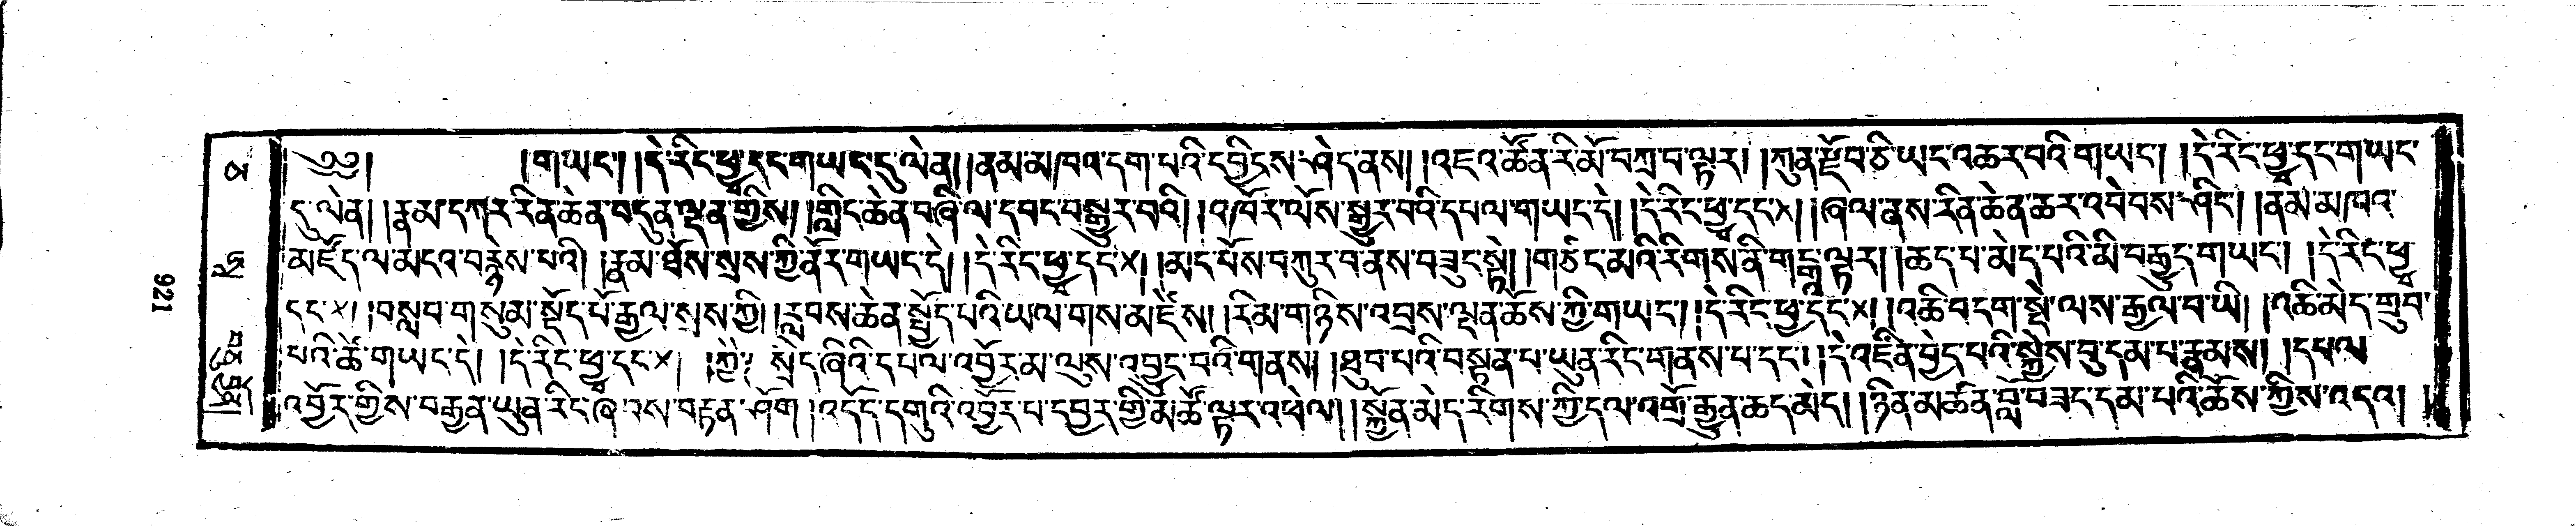༄༅། །གཡང་། །དེ་རིང་ཕྱྭ་དང་གཡང་དུ་ལེན། །ནམ་མཁའ་དག་པའི་དབྱིངས་ཤེད་ནས། །འཇའ་ཚོན་རི་མོ་བཀྲ་བ་ལྟར། །ཀུན་རྫོབ་ཅི་ཡང་འཆར་བའི་གཡང་། །དེ་རིང་ཕྱྭ་དང་གཡང་
དུ་ལེན། །རྣམ་དཀར་རིན་ཆེན་བདུན་ལྡན་གྱིས། །གླིང་ཆེན་བཞི་ལ་དབང་བསྒྱུར་བའི། །འཁོར་ལོས་སྒྱུར་བའི་དཔལ་གཡང་དེ། །དེ་རིང་ཕྱྭ་དང་྾། །ཞལ་ནས་རིན་ཆེན་ཆར་འབེབས་ཤིང་། །ནམ་མཁའ་
མཛོད་ལ་མངའ་བརྙེས་པའི། །རྣམ་ཐོས་སྲས་ཀྱི་ནོར་གཡང་དེ། །དེ་རིང་ཕྱྭ་དང་྾། །མང་པོས་བཀུར་བ་ནས་བཟུང་སྟེ། །གཙང་མའི་རིགས་ནི་གངྒཱ་ལྟར། །ཆད་པ་མེད་པའི་མི་བརྒྱུད་གཡང་། །དེ་རིང་ཕྱྭ་
དང་྾། །བསླབ་གསུམ་སྡོང་པོ་རྒྱལ་སྲས་ཀྱི། །རླབས་ཆེན་སྤྱོད་པའི་ཡལ་གས་མཛེས། །རིམ་གཉིས་འབྲས་ལྡན་ཆོས་ཀྱི་གཡང་། །དེ་རིང་ཕྱྭ་དང་྾། །འཆི་བདག་སྡེ་ལས་རྒྱལ་བ་ཡི། །འཆི་མེད་གྲུབ་
པའི་ཚེ་གཡང་དེ། །དེ་རིང་ཕྱྭ་དང་྾། །ཀྱཻ༑ སྲིད་ཞིའི་དཔལ་འབྱོར་མ་ལུས་འབྱུང་བའི་གནས། །ཐུབ་པའི་བསྟན་པ་ཡུན་རིང་གནས་པ་དང་། །དེ་འཛིན་བྱེད་པའི་སྐྱེས་བུ་དམ་པ་རྣམས། །དཔལ་
འབྱོར་གྱིས་བརྒྱན་ཡུན་རིང་ཞབས་བརྟན་ཤོག །འདོད་དགུའི་འབྱོར་པ་དབྱར་གྱི་མཚོ་ལྟར་འཕེལ། །སྐྱོན་མེད་རིགས་ཀྱི་དལ་འགྲོ་རྒྱུན་ཆད་མེད། །ཉིན་མཚན་བློ་བཟང་དམ་པའི་ཆོས་ཀྱིས་འདའ། །